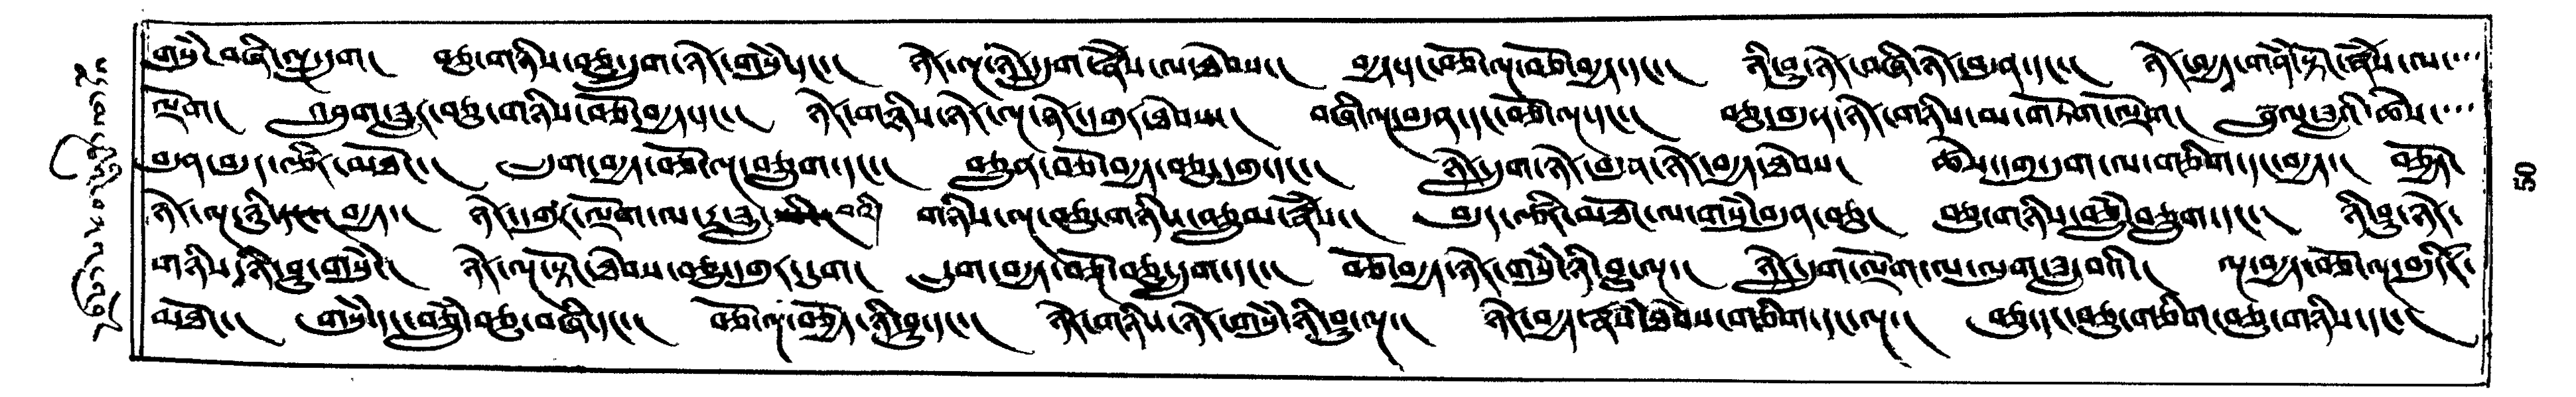གསུམ་བཞི་ལྔ་དྲུག བཅུ་གཉིས་བཅུ་དྲུག་ཉེར་གསུམ་དང་། ཉེར་ལྔ་ཉེར་དྲུག་རྣམས་ལ་ཐེབས། བརྒྱ་དང་བཅོ་ལྔ་བཅོ་བརྒྱད་དང་། ཉི་ཤུ་ཉེར་བཞི་ཉེར་བདུན་དང་། ཉེར་བརྒྱད་གནམ་སྟོང་རྣམས་ལ་
ལྡོག འབྲུག་ཟླར་བཅུ་གཉིས་བཅོ་བརྒྱད་དང་། ཉེར་གཉིས་ཉེར་ལྔ་ཉེར་དགུར་ཐེབས། བཞི་ལྔ་བདུན་དང་བཅོ་ལྔ་དང་། བཅུ་བདུན་ཉེར་གཉིས་མ་གཏོག་ལྡོག། སྦྲུལ་ཟླའི་ཚེས་
བདུན་བདུད་ཙིར་་མཐོང་། དྲུག་བརྒྱད་བཅོ་ལྔ་བཅུ་དྲུག་དང་། བཅུ་བདུན་བཅོ་བརྒྱད་བཅུ་དགུ་དང་། ཉེར་དྲུག་ཉེར་བདུན་ཉེར་བརྒྱད་ཐེབས། ཚེས་དགུ་དུག་ལ་གཅིག་དང་བརྒྱད། བཅོ་བརྒྱད་
ཉེར་ལྔ་ཉི་ཤུ་བརྒྱད། ཉེར་དགུར་ལྡོག་ལ་རྟ་ཟླ་བའི། གཉིས་ལྔ་བཅུ་གཉིས་བཅུ་གསུམ་རྣམས། བདུད་རྩིར་མཐོང་ལ་གསུམ་བདུན་བཅུ བཅུ་གཉིས་བཅུ་གསུམ་བཅུ་དྲུག་དང་། ཉི་ཤུ་ཉེར་
གཉིས་ཉི་ཤུ་གསུམ། ཉེར་ལྔ་སྟོང་ཐེབས་བཅུ་དགུར་དུག དྲུག་བརྒྱད་བཅོ་ལྔ་བཅུ་དྲུག་དང་། བཅོ་བརྒྱད་ཉེར་གསུམ་ཉི་ཤུ་ལྔ་། ཉེར་དྲུག་ལྡོག་ལ་ལུག་ཟླ་བའི། ལྔ་བརྒྱད་བཅོ་ལྔ་བདུད་རྩིར་
མཐོང་། གསུམ་དང་བཅུ་དྲུག་བཅུ་བཞི་དང་།བཅོ་ལྔ་བཅོ་བརྒྱད་ཉི་ཤུ་དང་། ཉེར་གཉིས་ཉེར་གསུམ་ཉི་ཤུ་ལྔ་། ཉེར་བརྒྱད་རྣམས་ཐེབས་གཅིག་དང་ལྔ་། བཅུ་དང་བཅུ་གཅིག་བཅུ་གཉིས་དང་།